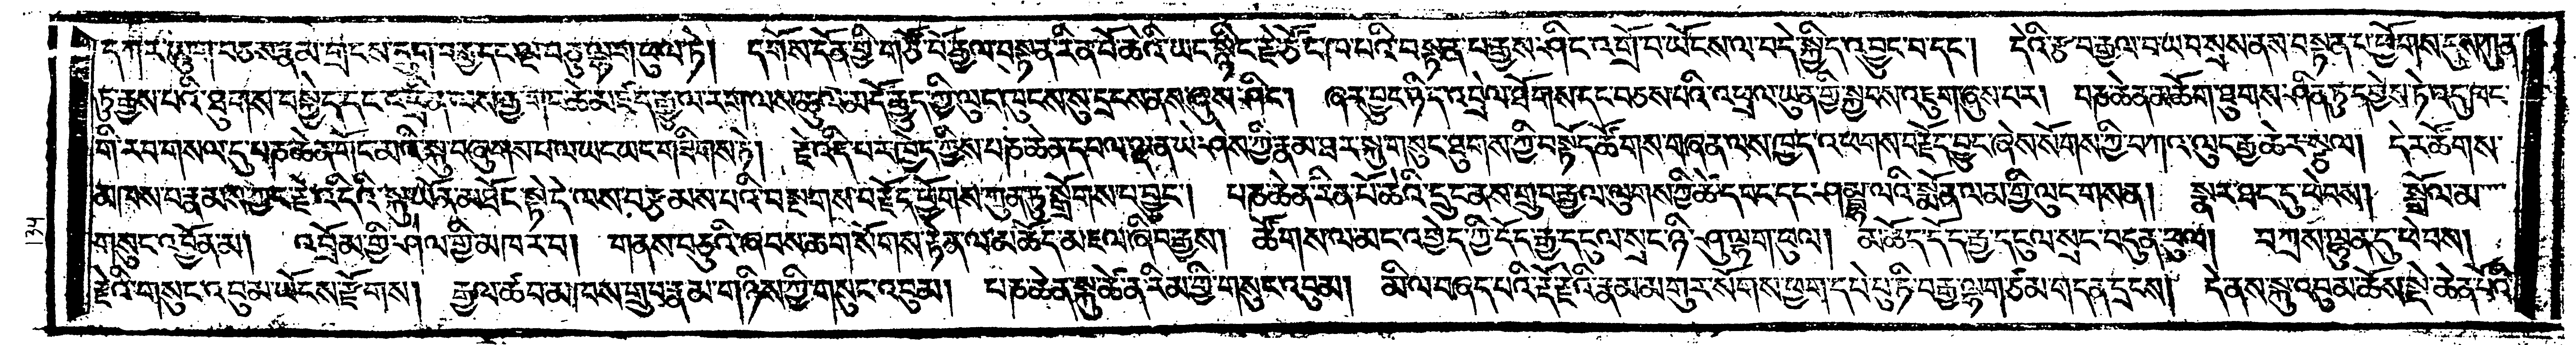དཀར་ཡུག་བཅས་རྣམ་གྲངས་དྲུག་བརྒྱ་དང་ལྔ་བཅུ་ལྷག་ཕུལ་ཏེ། དགོས་དོན་གྱི་གཙོ་བོ་རྒྱལ་བསྟན་རིན་པོ་ཆེའི་ཡང་སྙིང་རྗེ་ཙོང་ཁ་པའི་བསྟན་པ་རྒྱས་ཤིང་འགྲོ་བ་ཡོངས་ལ་བདེ་སྐྱིད་འབྱུང་བ་དང་། དེའི་རྩ་བ་རྒྱལ་བ་ཡབ་སྲས་ནས་བསྟན་པ་ཕྱོགས་དུས་ཀུན་
ཏུ་རྒྱས་པའི་ཐུགས་བསྐྱེད་དང་འཕྲིན་ལས་རྒྱ་གང་ཆེ་མཛད་རྒྱུ་ལ་རག་ལས་ཚུལ་མདོ་རྒྱུད་ཀྱི་ལུང་ཁུངས་སུ་དྲངས་ནས་ཞུས་ཤིང་། ཞར་བྱུང་ཉིད་འབྲེལ་ཐོགས་དང་བཅས་པའི་འཕྲལ་ཡུན་གྱི་སྐྱབས་འཇུག་ཞུས་པར། པཎ་ཆེན་མཆོག་ཐུགས་ཤིན་ཏུ་དགྱེས་ཏེ་འདུ་ཁང་
གི་རབ་གསལ་དུ་པཎ་ཆེན་གོང་མའི་སྐུ་བཞུགས་པ་ལ་ཡང་ཡང་གཟིགས་ཏེ། རྗེ་འདི་པར་ཁྱེད་ཀྱིས་པཎ་ཆེན་དཔལ་ལྡན་ཡེ་ཤེས་ཀྱི་རྣམ་ཐར་སྐུ་གསུང་ཐུགས་ཀྱི་བསྟོད་ཚོགས་གཞན་ལས་ཁྱད་འཕགས་བརྗོད་བྱུང་ཞེས་སོགས་ཀྱི་བཀའ་ལུང་རྒྱ་ཆེར་སྩལ། དེར་ཚོགས་
མཁས་བ་རྣམས་ཀྱང་རྗེ་འདིའི་སྐུ་ཡོན་མཐོང་སྟེ་དེ་ལས་བརྩམས་པའི་བསྔགས་བརྗོད་ཕྱོགས་ཀུན་ཏུ་སྒྲོགས་བ་བྱུང་། པཎ་ཆེན་རིན་པོ་ཆེའི་དྲུང་ནས་གྲུབ་རྒྱལ་ལུགས་ཀྱི་ཚེ་དབང་དང་ཤམྦྷ་ལའི་སྨོན་ལམ་གྱི་ལུང་གསན། སྣར་ཐང་དུ་ཕེབས། སྒྲོལ་མ་
གསུང་འབྱོན་མ། འབྲོམ་གྱི་ཤེལ་གྱི་མཁར་བ། གནས་བཅུའི་ཞབས་ཆག་སོགས་རྟེན་ལ་མཆོད་མཇལ་ཞིབ་རྒྱས། ཚོགས་ལ་མང་འགྱེད་ཀྱི་དོད་རྒྱ་དངུལ་སྲང་ཉི་ཤུ་ལྷག་ཕུལ། མཆོད་དོད་རྒྱ་དངུལ་སྲང་བདུན་ཕུལ། བཀྲས་ལྷུན་དུ་ཕེབས།
རྗེའི་གསུང་འབུམ་ཡོངས་རྫོགས། རྒྱལ་ཚབ་མཁས་གྲུབ་རྣམ་གཉིས་ཀྱི་གསུང་འབུམ། པཎ་ཆེན་སྐུ་ཚེ་ན་རིམ་གྱི་གསུང་འབུམ། མི་ལ་བཞད་བའི་རྡོ་རྗེའི་རྣམ་མགུར་སོགས་ཕྱག་དཔེ་པུ་ཏི་བརྒྱ་ལྷག་ཙམ་གདན་དྲངས། དེ་ནས་སྐུ་འབུམ་ཆོས་སྡེ་ཆེན་པོའི་